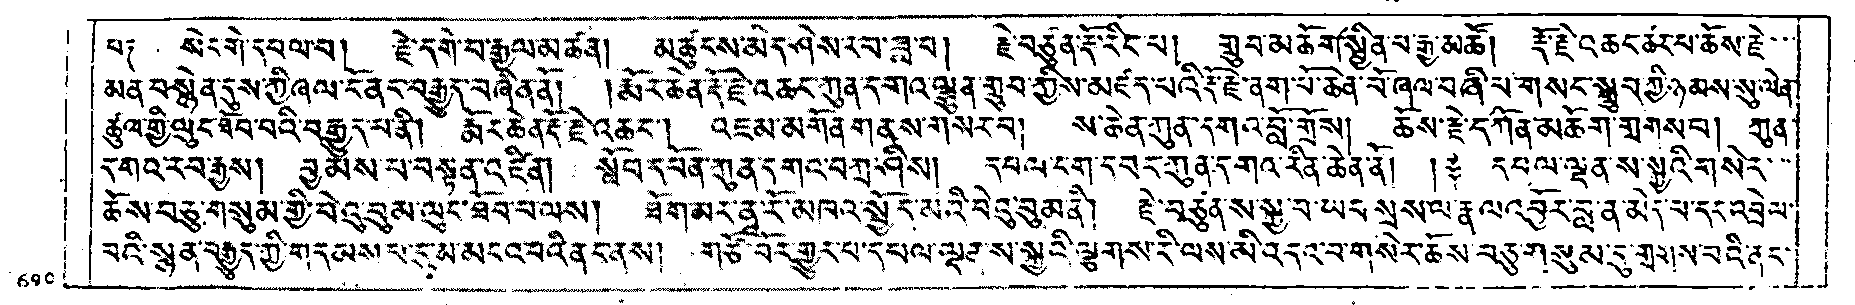པ༑ སེང་གེ་དཔལ་བ། རྗེ་དགེ་བ་རྒྱལ་མཚན། མཚུངས་མེད་ཤེས་རབ་ཟླ་བ། རྗེ་བཙུན་རྡོ་རིང་པ། གྲུབ་མཆོག་སྦྱིན་པ་རྒྱ་མཚོ། རྡོ་རྗེ་འཆང་ཚར་པ་ཆོས་རྗེ་
མན་བསྙེན་དུས་ཀྱི་ཞལ་ངོ་ནང་བརྒྱུད་བཞིན་ནོ། །རྨོར་ཆེན་རྡོ་རྗེ་འཆང་ཀུན་དགའ་ལྷུན་གྲུབ་ཀྱིས་མཛད་པའི་རྡོ་རྗེ་ནག་པོ་ཆེན་པོ་ཞལ་བཞི་པ་གསང་སྒྲུབ་ཀྱི་ཉམས་སུ་ལེན་
ཚུལ་གྱི་ལུང་ཐོབ་པའི་བརྒྱུད་པ་ནི། རྨོར་ཆེན་རྡོ་རྗེ་འཆང་། འཇམ་མགོན་གནས་གསར་པ། ས་ཆེན་ཀུན་དགའ་བློ་གྲོས། ཆོས་རྗེ་དཀོན་མཆོག་གྲགས་པ། ཀུན་
དགའ་རབ་རྒྱས། བྱམས་པ་བསྟན་འཛིན། སློབ་དཔོན་ཀུན་དགའ་བཀྲ་ཤིས། དཔལ་ངག་དབང་ཀུན་དགའ་རིན་ཆེན་ནོ། ། ༈ དཔལ་ལྡན་ས་སྐྱའི་གསེར་
ཆོས་བཅུ་གསུམ་གྱི་བེའུ་བུམ་ལུང་ཐོབ་པ་ལས། ཐོག་མར་ནཱ་རོ་མཁའ་སྤྱོད་མའི་བེའུ་བུམ་ནི། རྗེ་བཙུན་ས་སྐྱ་བ་ཡབ་སྲས་ལ་རྣལ་འབྱོར་བླ་ན་མེད་པ་དང་འབྲེལ་
བའི་སྙན་བརྒྱུད་ཀྱི་གདམས་པ་དུ་མ་མངའ་བའི་ནང་ནས། གཙོ་བོར་གྱུར་པ་དཔལ་ལྡན་ས་སྐྱའི་ལྕགས་རི་ལས་མི་འདའ་བ་གསེར་ཆོས་བཅུ་གསུམ་དུ་གྲགས་པའི་ནང་